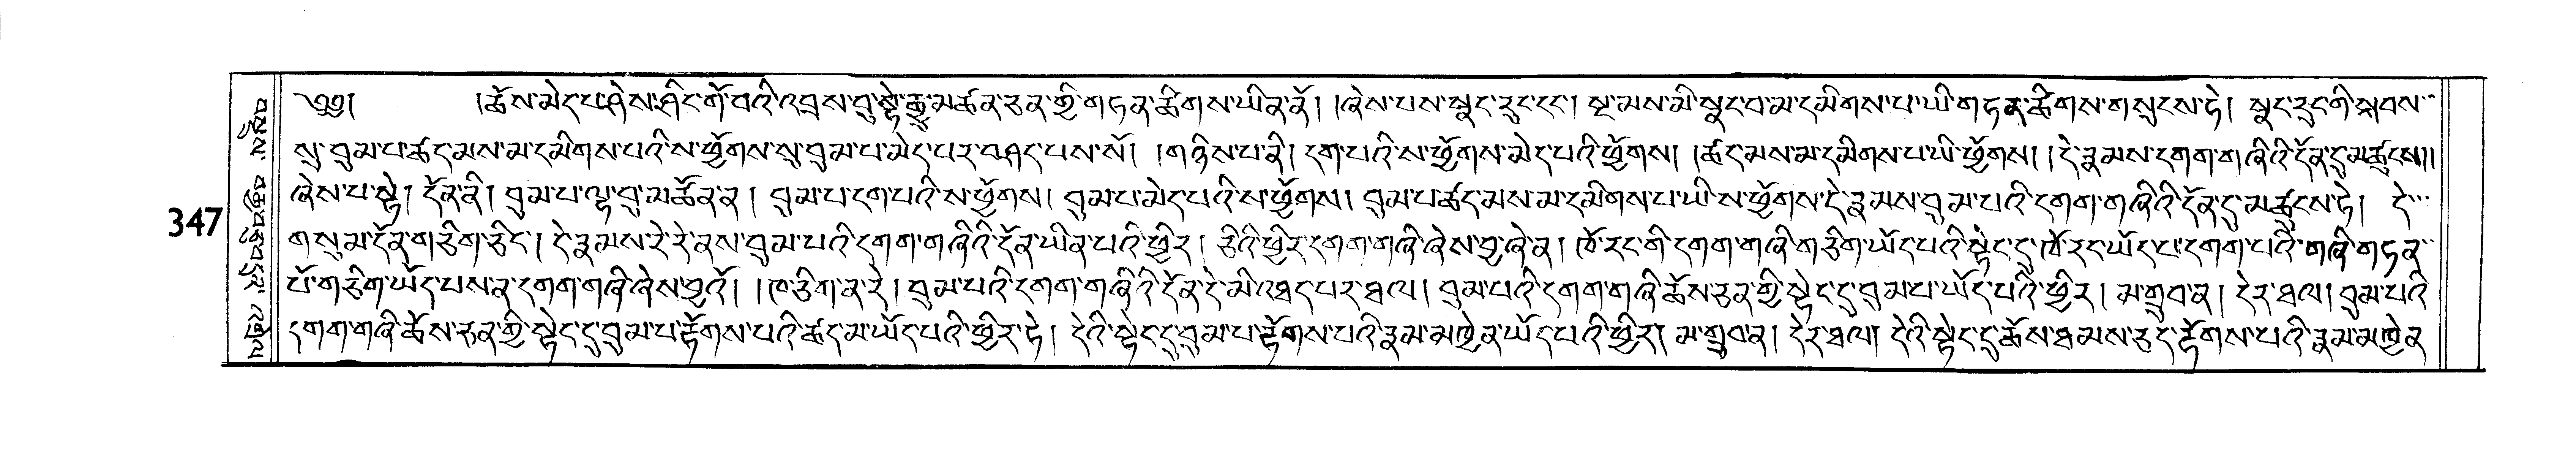༄༅། །ཆོས་མེད་པ་ཤེས་ཤིང་གོ་བའི་འབྲས་བུ་སྟེ་རྒྱུ་མཚན་ཅན་གྱི་གཏན་ཚིགས་ཡིན་ནོ། །ཞེས་པས་སྣང་རུང་དང་། སྔ་མས་མི་སྣང་བ་མ་དམིགས་པ་ཡི་གཏན་ཚིགས་གསུངས་ཏེ། སྣང་རུང་གི་སྐབས་
སུ་བུམ་པ་ཚད་མས་མ་དམིགས་པའི་ས་ཕྱོགས་སུ་བུམ་པ་མེད་པར་བཤད་པས་སོ། །གཉིས་པ་ནི། དག་པའི་ས་ཕྱོགས་མེད་པའི་ཕྱོགས། །ཚད་མས་མ་དམིགས་པ་ཡི་ཕྱོགས། །དེ་རྣམས་དགག་གཞིའི་དོན་དུ་མཚུངས།།
ཞེས་པ་སྟེ། དོན་ནི། བུམ་པ་ལྟ་བུ་མཚོན་ན། བུམ་པ་དག་པའི་ས་ཕྱོགས། བུམ་པ་མེད་པའི་ས་ཕྱོགས། བུམ་པ་ཚད་མས་མ་དམིགས་པ་ཡིས་ཕྱོགས་དེ་རྣམས་བུམ་པའི་དགག་གཞིའི་དོན་དུ་མཚུངས་ཏེ། དེ་
གསུམ་དོན་གཅིག་ཅིང་། དེ་རྣམས་རེ་རེ་ནས་བུམ་པའི་དགག་གཞིའི་དོན་ཡིན་པའི་ཕྱིར། ཅིའི་ཕྱིར་དགག་གཞི་ཞེས་བྱ་ཞེ་ན། ཁོ་རང་གི་དགག་གཞི་གཅིག་ཡོད་པའི་སྟེང་དུ་ཁོ་རང་ཡོད་པ་དགག་པའི་གཞི་གཏན་
པོ་གཅིག་ཡོད་པས་ན་དགག་གཞི་ཞེས་བྱའོ། །ཁ་ཅིག་ན་རེ། བུམ་པའི་དགག་གཞིའི་དོན་དེ་མི་འཐད་པར་ཐལ། བུམ་པའི་དགག་གཞི་ཆོས་ཅན་གྱི་སྟེང་དུ་བུམ་པ་ཡོད་པའི་ཕྱིར། མ་གྲུབ་ན། དེར་ཐལ། བུམ་པའི་
དགག་གཞི་ཆོས་ཅན་གྱི་སྟེང་དུ་བུམ་པ་རྟོགས་པའི་ཚད་མ་ཡོད་པའི་ཕྱིར་ཏེ། དེའི་སྟེང་དུ་བུམ་པ་རྟོགས་པའི་རྣམ་མཁྱེན་ཡོད་པའི་ཕྱིར། མ་གྲུབ་ན། དེར་ཐལ། དེའི་སྟེང་དུ་ཆོས་ཐམས་ཅད་རྟོགས་པའི་རྣམ་མཁྱེན་